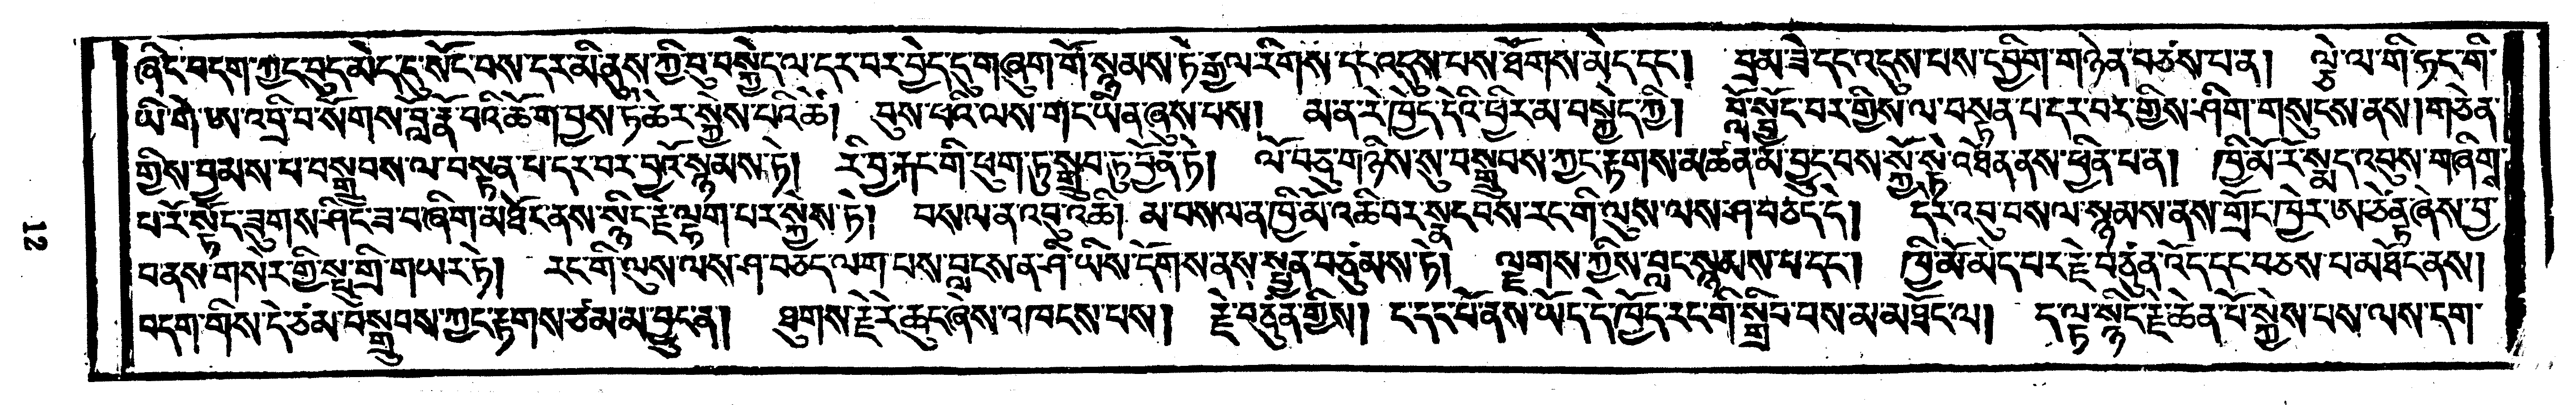ཞིང་བདག་ཀྱང་བུད་མེད་དུ་སོང་བས་དར་མི་ནུས་ཀྱི་བུ་བསྐྱེད་ལ་དར་བར་བྱེད་དུ་གཞུག་གོ་སྙམས་ཏེ་རྒྱལ་རིགས་དང་འདུས་པས་ཐོགས་མེད་དང་། བྲམ་ཟེ་དང་འདུས་པས་དབྱིག་གཉེན་བཙས་པ་ན། ལྕེ་ལ་གི་ཧང་གི་
ཡི་གེ་ཨ་འབྲི་བ་སོགས་བློ་རྣོ་བའི་ཆོ་ག་བྱས་ཏེ་ཆེར་སྐྱེས་པའི་ཚེ། བུས་ཕའི་ལས་གང་ཡིན་ཞུས་པས། མ་ན་རེ་ཁྱེད་དེའི་ཕྱིར་མ་བསྐྱེད་ཀྱི། བློ་སྦྱོང་བར་གྱིས་ལ་བསྟན་པ་དར་བར་གྱིས་ཤིག་གསུངས་ནས་།གཅེན་
གྱིས་བྱམས་པ་བསྒྲུབས་ལ་བསྟན་པ་དར་བར་བྱའོ་སྙམས་ཏེ། རི་བྱ་རྐང་གི་ཕུག་ཏུ་སྒྲུབ་ཏུ་བྱོན་ཏེ། ལོ་བཅུ་གཉིས་སུ་བསྒྲུབས་ཀྱང་རྟགས་མཚན་མ་བྱུང་བས་སྐྱོ་སྟེ་འཐེན་ནས་ཕྱིན་པ་ན། ཁྱི་མོ་རོ་སྨད་འབུས་གཞིགས་
པ་རོ་སྟོང་ཟུགས་ཤིང་ཟ་བ་ཞིག་མཐོང་ནས་སྙིང་རྗེ་ལྷག་པར་སྐྱེས་ཏེ། བསལ་ན་འབུ་འཆི། མ་བསལ་ན་ཁྱི་མོ་འཆི་བར་སྣང་བས་རང་གི་ལུས་ལས་ཤ་བཅད་དེ། དེར་འབུ་བསལ་སྙམས་ནས་གྲོང་ཁྱེར་ཨ་ཙེནྟ་ཞེས་བྱ་
བ་ནས་གསེར་གྱི་སྤུ་གྲི་གཡར་ཏེ། རང་གི་ལུས་ལས་ཤ་བཅད་ལག་པས་བླངས་ན་ཤི་ཡིས་དོགས་ནས་སྤྱན་བཙུམས་ཏེ། ལྗགས་ཀྱིས་བླང་སྙམས་པ་དང་། ཁྱི་མོ་མེད་པར་རྗེ་བཙུན་འོད་དང་བཅས་པ་མཐོང་ནས།
བདག་གིས་དེ་ཙམ་བསྒྲུབས་ཀྱང་རྟགས་ཙམ་མ་བྱུང་ན། ཐུགས་རྗེ་རེ་ཆུང་ཞེས་འཁངས་པས། རྗེ་བཙུན་གྱིས། ང་དང་པོ་ནས་ཡོད་དེ་ཁྱོད་རང་གི་སྒྲིབ་བས་མ་མཐོང་ལ། ད་ལྟ་སྙིང་རྗེ་ཆེན་པོ་སྐྱེས་པས་ལས་དག་